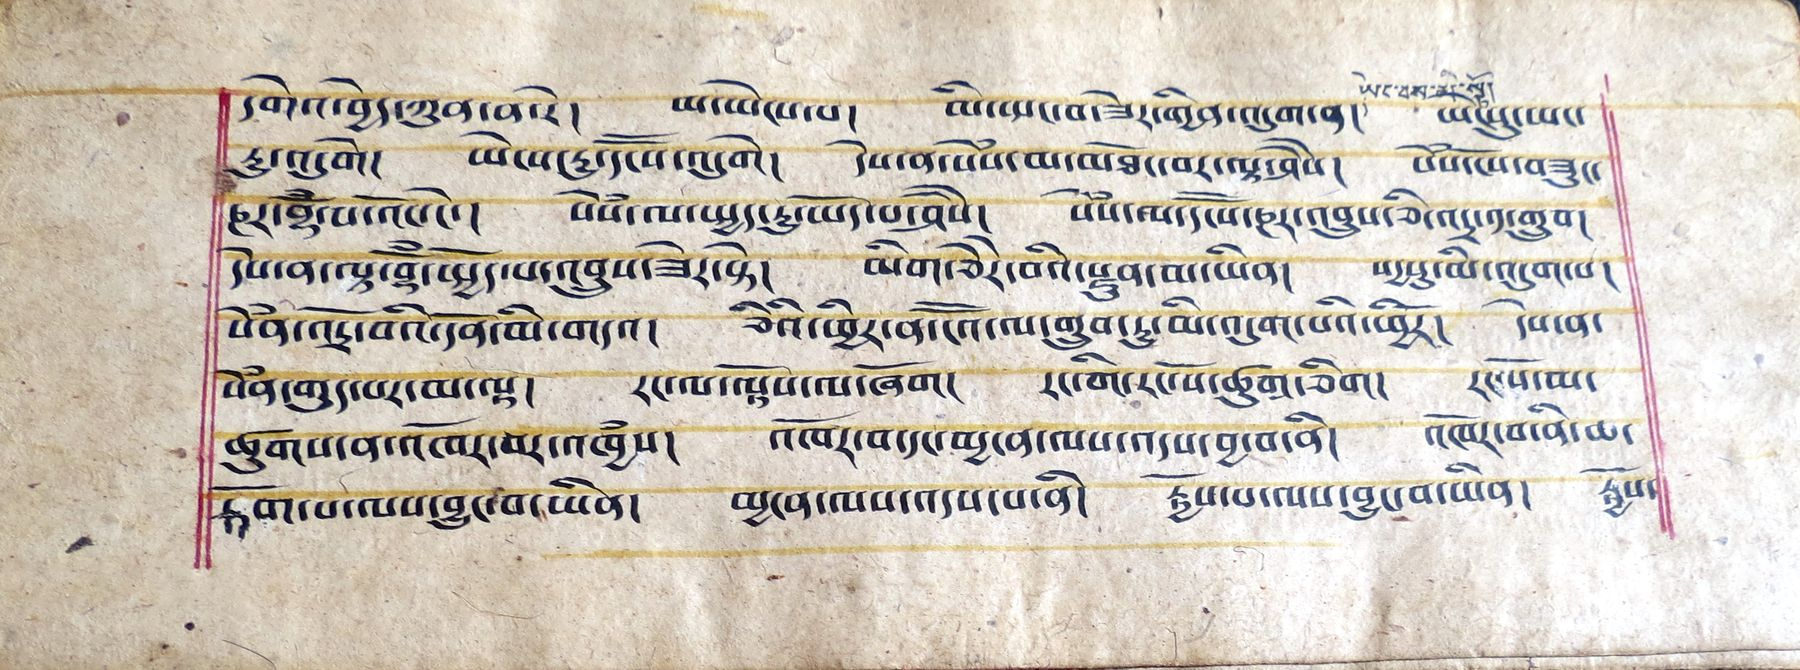དགེ་བྱེད་ཀུན་ན་རེ། མ་ཡེངས་པ་མི་སྤང་པ་ཟེར་གྱིན་འདུག་ན། སྤང་པས་ཅི་སྟོ། ཡེངས་སུ་ཡང་
རུ་འདག་གོ། སྤང་རྒྱུའི་དངོས་པོ་འདུག་གམ། དེས་ན་སེམས་མ་མཐོང་པས་ལྟ་ཤེས་སམ། སེམས་ངོས་བཟུང་
མེད་པར་སྒོམ་པ་འོང་ངམ། སེམས་ལ་སྤྱད་རྒྱུ་ཡོད་པ་ཤེས་སམ། སེམས་ལ་དངོས་པོ་མེད་པར་འབྲས་བུ་ཇི་འདྲ་བ་ཞིག་བསྒྲུབ། 
དེས་ན་ལྟ་སྒོམ་སྤྱོད་པ་འབྲས་བུ་ཟེར་ཏེ། མིག་ཅེར་རེ་པ་ལ་རྫུན་ཡིན། སངས་རྒྱས་སུ་རྒྱུ་མི་འདུག་པས། 
སེམས་ཅན་དུ་འགྲོ་བའི་དོན་མི་གདའ། ཅིའི་ཕྱིར་ན། ངོ་བོ་ལ་གྲུབ་རྒྱུ་མི་འདུག་པའི་ཕྱིར། དེས་ན་
སེམས་ཅན་གུད་པར་མ་ལྟ། རང་ལ་ལྟོས་ལ་ཞོག རང་གི་རང་སོ་ཚུགས་ཤིག རང་སོ་མ་
ཚུགས་ན་འཁོར་བར་འཁྱམས། འཁོར་བ་དང་མྱ་ངན་ལས་འདས་པ་བྱ་བ་ནི། འཁོར་བ་ནི་མ་
རྟོགས་པས་འཁོར་བ་ཡིན། མྱ་ངན་ལས་འདས་པ་ནི་རྟོགས་པ་ལས་བྱུང་བ་ཡིན། རྟོགས་